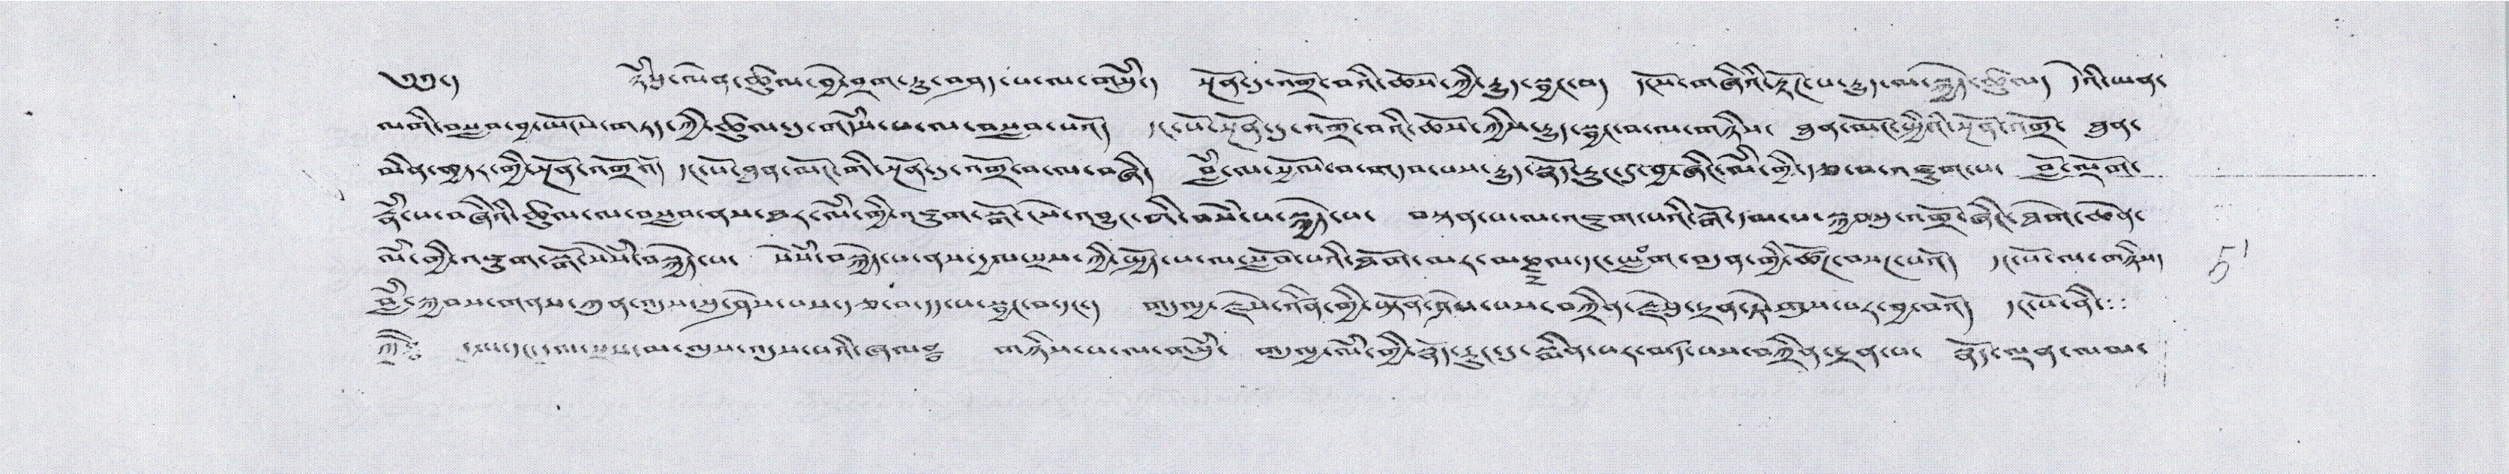ཉམས་ལེན་ཚུལ་བྱེ་བྲག་བཤད་པ་ལ་གསུམ། སྔོན་དུ་འགྲོ་བའི་ཆོས་ཀྱི་རྒྱུད་སྦྱང་བ། དངོས་གཞིའི་རྟོགས་པ་རྒྱུད་ལ་སྐྱེ་ཚུལ། དེའི་ཡན་
ལག་གི་བསླབ་བྱ་ཡོངས་གཏད་ཀྱི་ཚུལ་དུ་གདམས་པ་ལ་བསླབ་པའོ། དང་པོ་སྔོན་དུ་འགྲོ་བའི་ཆོས་ཀྱི་རྒྱུད་སྦྱང་བ་ལ་གཉིས། ཐུན་མོང་སྤྱི་ཡི་སྔོན་འགྲོ། ཐུན་
མིན་ཁྱད་པར་གྱི་སྔོན་འགྲོའོ། དང་པོ་ཐུན་མོང་གི་སྔོན་དུ་འགྲོ་བ་ལ་བཞི། བླ་མ་ལ་གསོལ་བ་གདབ་པས་རྒྱུད་སྣོད་རུང་དུ་བྱ་ཞིང་། ལམ་གྱི་རྩ་བ་འཇུག་པ། བློ་ལྡོག་
རྣམ་པ་བཞིའི་ཚུལ་ལ་བསླབ་ནས་ཐར་ལམ་གྱི་འཇུག་སྒོ་ངེས་འབྱུང་གི་བསམ་པ་བསྐྱེད་པ། བསྟན་པ་ལ་འཇུག་པའི་སྒོ་དམ་པ་སྐྱབས་སུ་འགྲོ་ཞིང་ཐེག་ཆེན་
ལམ་གྱི་འཇུག་སྒོ་སེམས་བསྐྱེད་པ། སེམས་བསྐྱེད་པ་ནས་རྒྱལ་སྲས་ཀྱི་སྤྱོད་པ་ལ་སློབ་པའི་ཐོག་མར་མཎྜལ་ཡན་ལག་དང་ཡན་ལག་བདུན་གྱི་ཚོགས་བསགས་པའོ། དང་པོ་ལ་གཉིས། 
བླ་མ་སྐྱབས་གནས་ཀུན་འདུས་སུ་ཤེས་པས་རྩ་བ་དད་པ་སྦྱང་བ་དང་། གདུལ་བྱ་རྗེས་འཛིན་གྱི་ཡོན་ཏན་ཤེས་པས་བཀའ་དྲིན་རྗེས་དྲན་ཏེ་གུས་པར་བྱའོ། དང་པོ་ནི། 
ཀྱེཿ རྒྱལ་དང་རྒྱལ་སྲས་མ་ལུས་འདུས་པའི་ཞལཿ གཉིས་པ་ལ་གསུམ། གདུལ་བྱ་ལམ་གྱི་སྣོད་རུང་དུ་སྨིན་པར་མཛད་པས་བཀའ་དྲིན་དྲན་པ། སྣོད་ལྡན་ལམ་